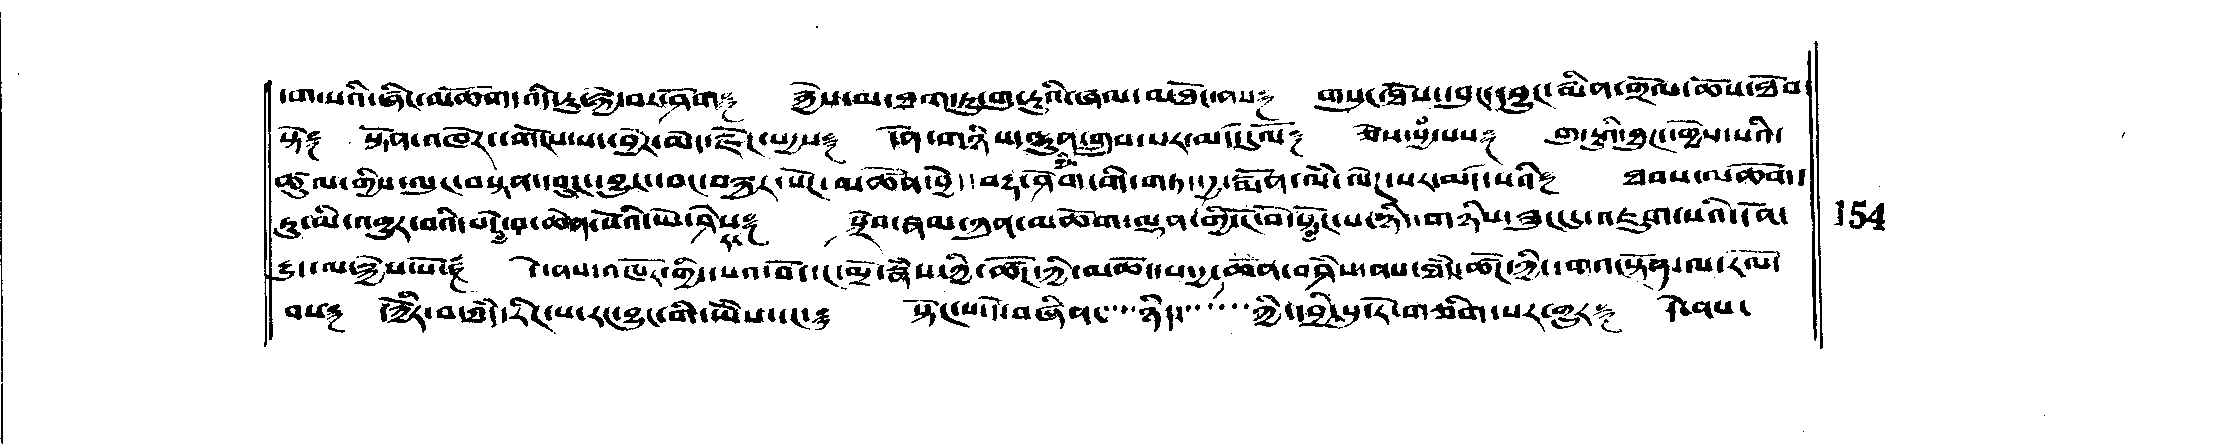།དག་པའི་ཞིང་མཆོག་འདི་རུ་སྐྱེ་བར་ཤོག །སྐྱེས་མ་ཐག་ཏུ་གུ་རུའི་ཞལ་མཐོང་ནས། །གསུང་ཐོས་དབུགས་དབྱུང་སྨིན་གྲོལ་ཆོས་ཐོབ་
སྟེ། །སྟོན་འཁོར་དགོངས་པ་དབྱེར་མེད་རྫོགས་སངས་རྒྱས། །དོན་གཉིས་ལྷུན་གྱིས་གྲུབ་པར་མཛད་དུ་གསོལ། །ཅེས་གསུངས་པས། གུ་རུའི་ཐུགས་དགྱེས་པའི་
ཚུལ་གྱིས་ལུང་བསྟན་དབུགས་དབྱུང་དབང་བསྐུར་སོགས་མཚོན་བྱེད་བརྡ་ཤོག་གི་གཏད་རྒྱ་སྨོན་ལམ་ལེགས་པར་མཛད་པའི། ཐབས་མཆོག་
ཏུ་མི་འགྱུར་བའི་བདེ་བ་ཆེན་པོའི་ཡེ་ཤེས་དང་། ཤེས་རབ་རྣམ་ཀུན་མཆོག་ལྡན་གྱི་ངོ་བོ་སྟོང་པ་ཉིད་གཉིས་ཟུང་དུ་འཇུག་པའི་དོན་
རྒྱུད་ལ་སྐྱེས་སོ། དེ་ནས་འཁོར་གྱི་དཔའ་བོ་དང་མཁའ་འགྲོ་རྣམས་ཀྱི་ཚོགས་ཀྱི་མཆོད་པ་རྒྱ་ཆེན་བཤམས་ནས་ཐམས་ཅད་ཚོགས་ཀྱི་དགའ་སྟོན་ལ་རོལ་
བས། དཀྱིལ་འཁོར་བ་ཐམས་ཅད་རིག་པ་རང་བྱུང་གི་ཡེ་ཤེས་དང་། སྟོང་པ་དེ་བཞིན་ཉིད་ཀྱི་དབྱིངས་སུ་རོ་གཅིག་པར་གྱུར། དེ་ནས་